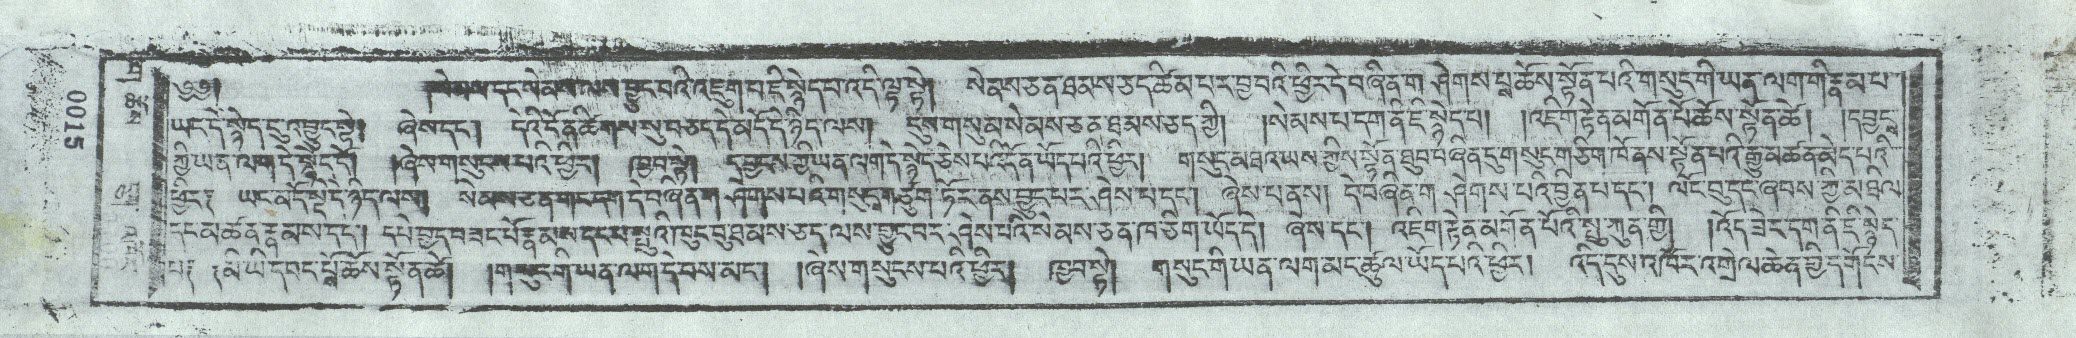༄༅། །སེམས་དང་སེམས་ལས་བྱུང་བའི་འཇུག་པ་ཇི་སྙེད་པ་འདི་ལྟ་སྟེ། སེམས་ཅན་ཐམས་ཅད་ཚིམ་པར་བྱ་བའི་ཕྱིར་དེ་བཞིན་གཤེགས་པས་ཆོས་སྟོན་པའི་གསུང་གི་ཡན་ལག་གི་རྣམ་པ་
ཡང་དེ་སྙེད་དུ་འབྱུང་སྟེ། ཞེས་དང་། དེའི་དོན་ཚིགས་སུ་བཅད་དེ་མདོ་དེ་ཉིད་ལས། དུས་གསུམ་སེམས་ཅན་ཐམས་ཅད་ཀྱི། །སེམས་པ་དག་ནི་ཇི་སྙེད་པ། །འཇིག་རྟེན་མགོན་པོ་ཆོས་སྟོན་ཚེ། །དབྱངས་
ཀྱི་ཡན་ལག་དེ་སྙེད་དོ། །ཞེས་གསུངས་པའི་ཕྱིར། ཁྱབ་སྟེ། དབྱངས་ཀྱི་ཡན་ལག་དེ་སྙེད་ཅེས་པའི་དོན་ཡོད་པའི་ཕྱིར། གསུང་མཐའ་ཡས་ཀྱིས་སྟོན་ཐུབ་བཞིན་དུ་གསུང་གཅིག་ཁོ་ནས་སྟོན་པའི་རྒྱུ་མཚན་མེད་པའི་
ཕྱིར༑ ཡང་མདོ་སྡེ་དེ་ཉིད་ལས། སེམས་ཅན་གང་དག་དེ་བཞིན་གཤེགས་པའི་གསུང་གཙུག་ཏོར་ནས་བྱུང་པར་ཤེས་པ་དང་། ཞེས་པ་ནས། དེ་བཞིན་གཤེགས་པའི་བྱིན་པ་དང་། ལོང་བུ་དང་ཞབས་ཀྱི་མཐིལ་
དང་མཚན་རྣམས་དང་། དཔེ་བྱད་བཟང་པོ་རྣམས་དང་པ་སྤུའི་ཁུང་བུ་ཐམས་ཅད་ལས་བྱུང་བར་ཤེས་པའི་སེམས་ཅན་ཁ་ཅིག་ཡོད་དེ། ཞེས་དང་། འཇིག་རྟེན་མགོན་པོའི་སྤུ་ཀུན་གྱི། །འོད་ཟེར་དག་ནི་ཇི་སྙེད་
པ༑ ༑མི་ཡི་དབང་བློ་ཆོས་སྟོན་ཚེ། །གསུང་གི་ཡན་ལག་དེ་བས་མང་། །ཞེས་གསུངས་པའི་ཕྱིར། ཁྱབ་སྟེ། གསུང་གི་ཡན་ལག་མང་ཚུལ་ཡོད་པའི་ཕྱིར། འདི་དུས་འཁོར་འགྲེལ་ཆེན་གྱི་དགོངས་